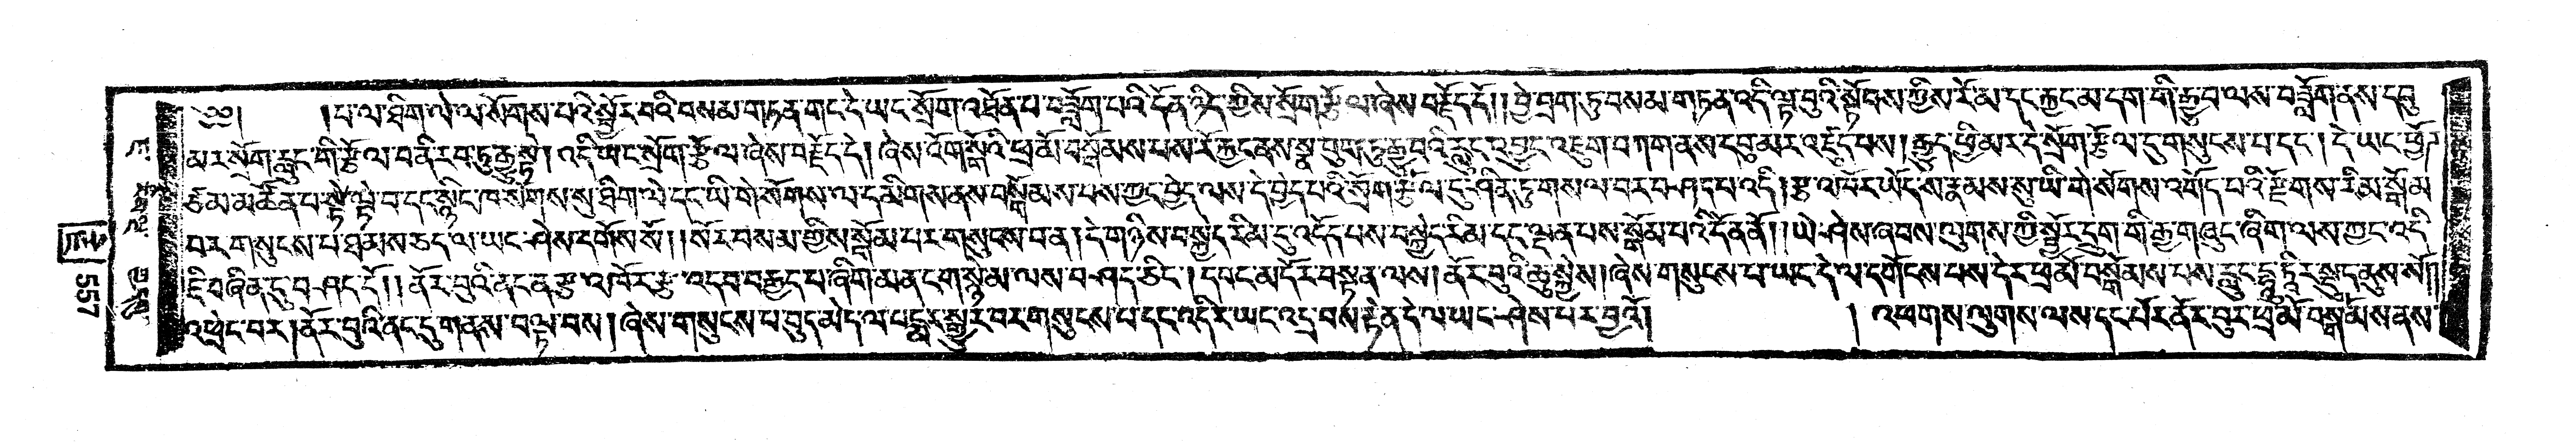༄༅། །པ་ལ་ཐིག་ལེ་སོགས་པའི་སྦྱོར་བའི་བསམ་གཏན་གང་དེ་ཡང་སྲོག་འཐོན་པ་བཟློག་པའི་དོན་ཉིད་ཀྱིས་སྲོག་རྩོལ་ཞེས་བརྗོད་དོ། །བྱེ་བྲག་ཏུ་བསམ་གཏན་འདི་ལྟ་བུའི་སྟོབས་ཀྱི་རོ་མ་དང་རྐྱང་མ་དག་གི་རྒྱུ་བ་ལས་བཟློག་ནས་དབུ་
མར་སྲོག་རླུང་གི་རྩོལ་བ་ནི་རབ་ཏུ་རྒྱུ་སྟེ། འདི་ཡང་སྲོག་རྩོལ་ཞེས་བརྗོད་དོ། ཞེས་འགོ་སྒོའི་ཕ་མོ་བསྒོམས་པས་རོ་རྐྱང་ནས་སྣ་བུག་ཏུ་རྒྱུ་བའི་རླུང་འབྱུང་འཇུག་བཀག་ནས་དབུ་མར་འཛུད་པས། རྒྱུད་ཕྱི་མར་དེ་སྲོག་རྩལ་དུ་གསུངས་པ་དང་། དེ་ཡང་ཕྱོགས་
ཙམ་མཚོན་པ་སྟེ་ལྟེ་བ་དང་སྙིང་ཁ་སོགས་སུ་ཐིག་ལེ་དང་ཡི་གེ་སོགས་ལ་དམིགས་ནས་བསྒོམས་པས་ཀྱང་བྱེད་པའི་སྲོག་རྩོལ་དུ་ཤིན་ཏུ་གསར་བར་བཤད་པ་འདི། རྩ་འཁོར་ཡོད་ས་རྣམས་སུ་ཡི་གེ་སོགས་འགོད་པའི་རྫོགས་རིམ་སྒོམ་
པར་གསུངས་པ་ཐམས་ཅད་ལ་ཡང་ཤེས་དགོས་སོ། །སོར་བསམ་གྱིས་སྒོམ་པར་གསུངས་པ་ནི། དེ་གཉིས་བསྐྱེད་རིམ་དུ་འདོད་པས་བསྐྱེད་རིམ་དང་ལྡན་པས་སྒོམ་པའི་དོན་ནོ། །ཡེ་ཤེས་ཞབས་ལུགས་ཀྱི་སྦྱོར་དྲུག་གི་རྒྱ་གཞུང་ཞིགས་ལས་ཀྱང་འདི་
ཇི་བཞིན་དུ་བཤད་དོ། །ནོར་བུའི་ནང་ན་རྩ་འཁོར་རྩ་འདབ་བརྒྱད་པ་ཞིག་མན་ངག་སྙེ་མ་ལས་བཤད་ཅིང་། དབང་མདོར་བསྟན་ལས། ནོར་བུའི་ཆུ་སྐྱེས། ཞེས་གསུངས་པ་ཡང་དེ་ལ་དགོངས་པས་དེར་ཕྲ་མོ་བསྒོམས་པས་རླུང་དྷཱུ་ཏཱིར་སྡུད་ནུས་སོ།།
འཕྲེང་བར། ནོར་བུའི་ནང་དུ་གནས་བལྟ་བས། ཞེས་གསུངས་པ་བུད་མེད་ལ་པདམར་སྒྱུར་བར་གསུངས་པ་དང་འདིར་ཡང་འདྲ་བས་རྟེན་དེ་ལ་ཡང་ཤེས་པར་བྱའོ། །འཕགས་ལུགས་ལས་དང་པོར་ནོར་བུར་ཕྲ་མོ་བསྒོམས་ནས་